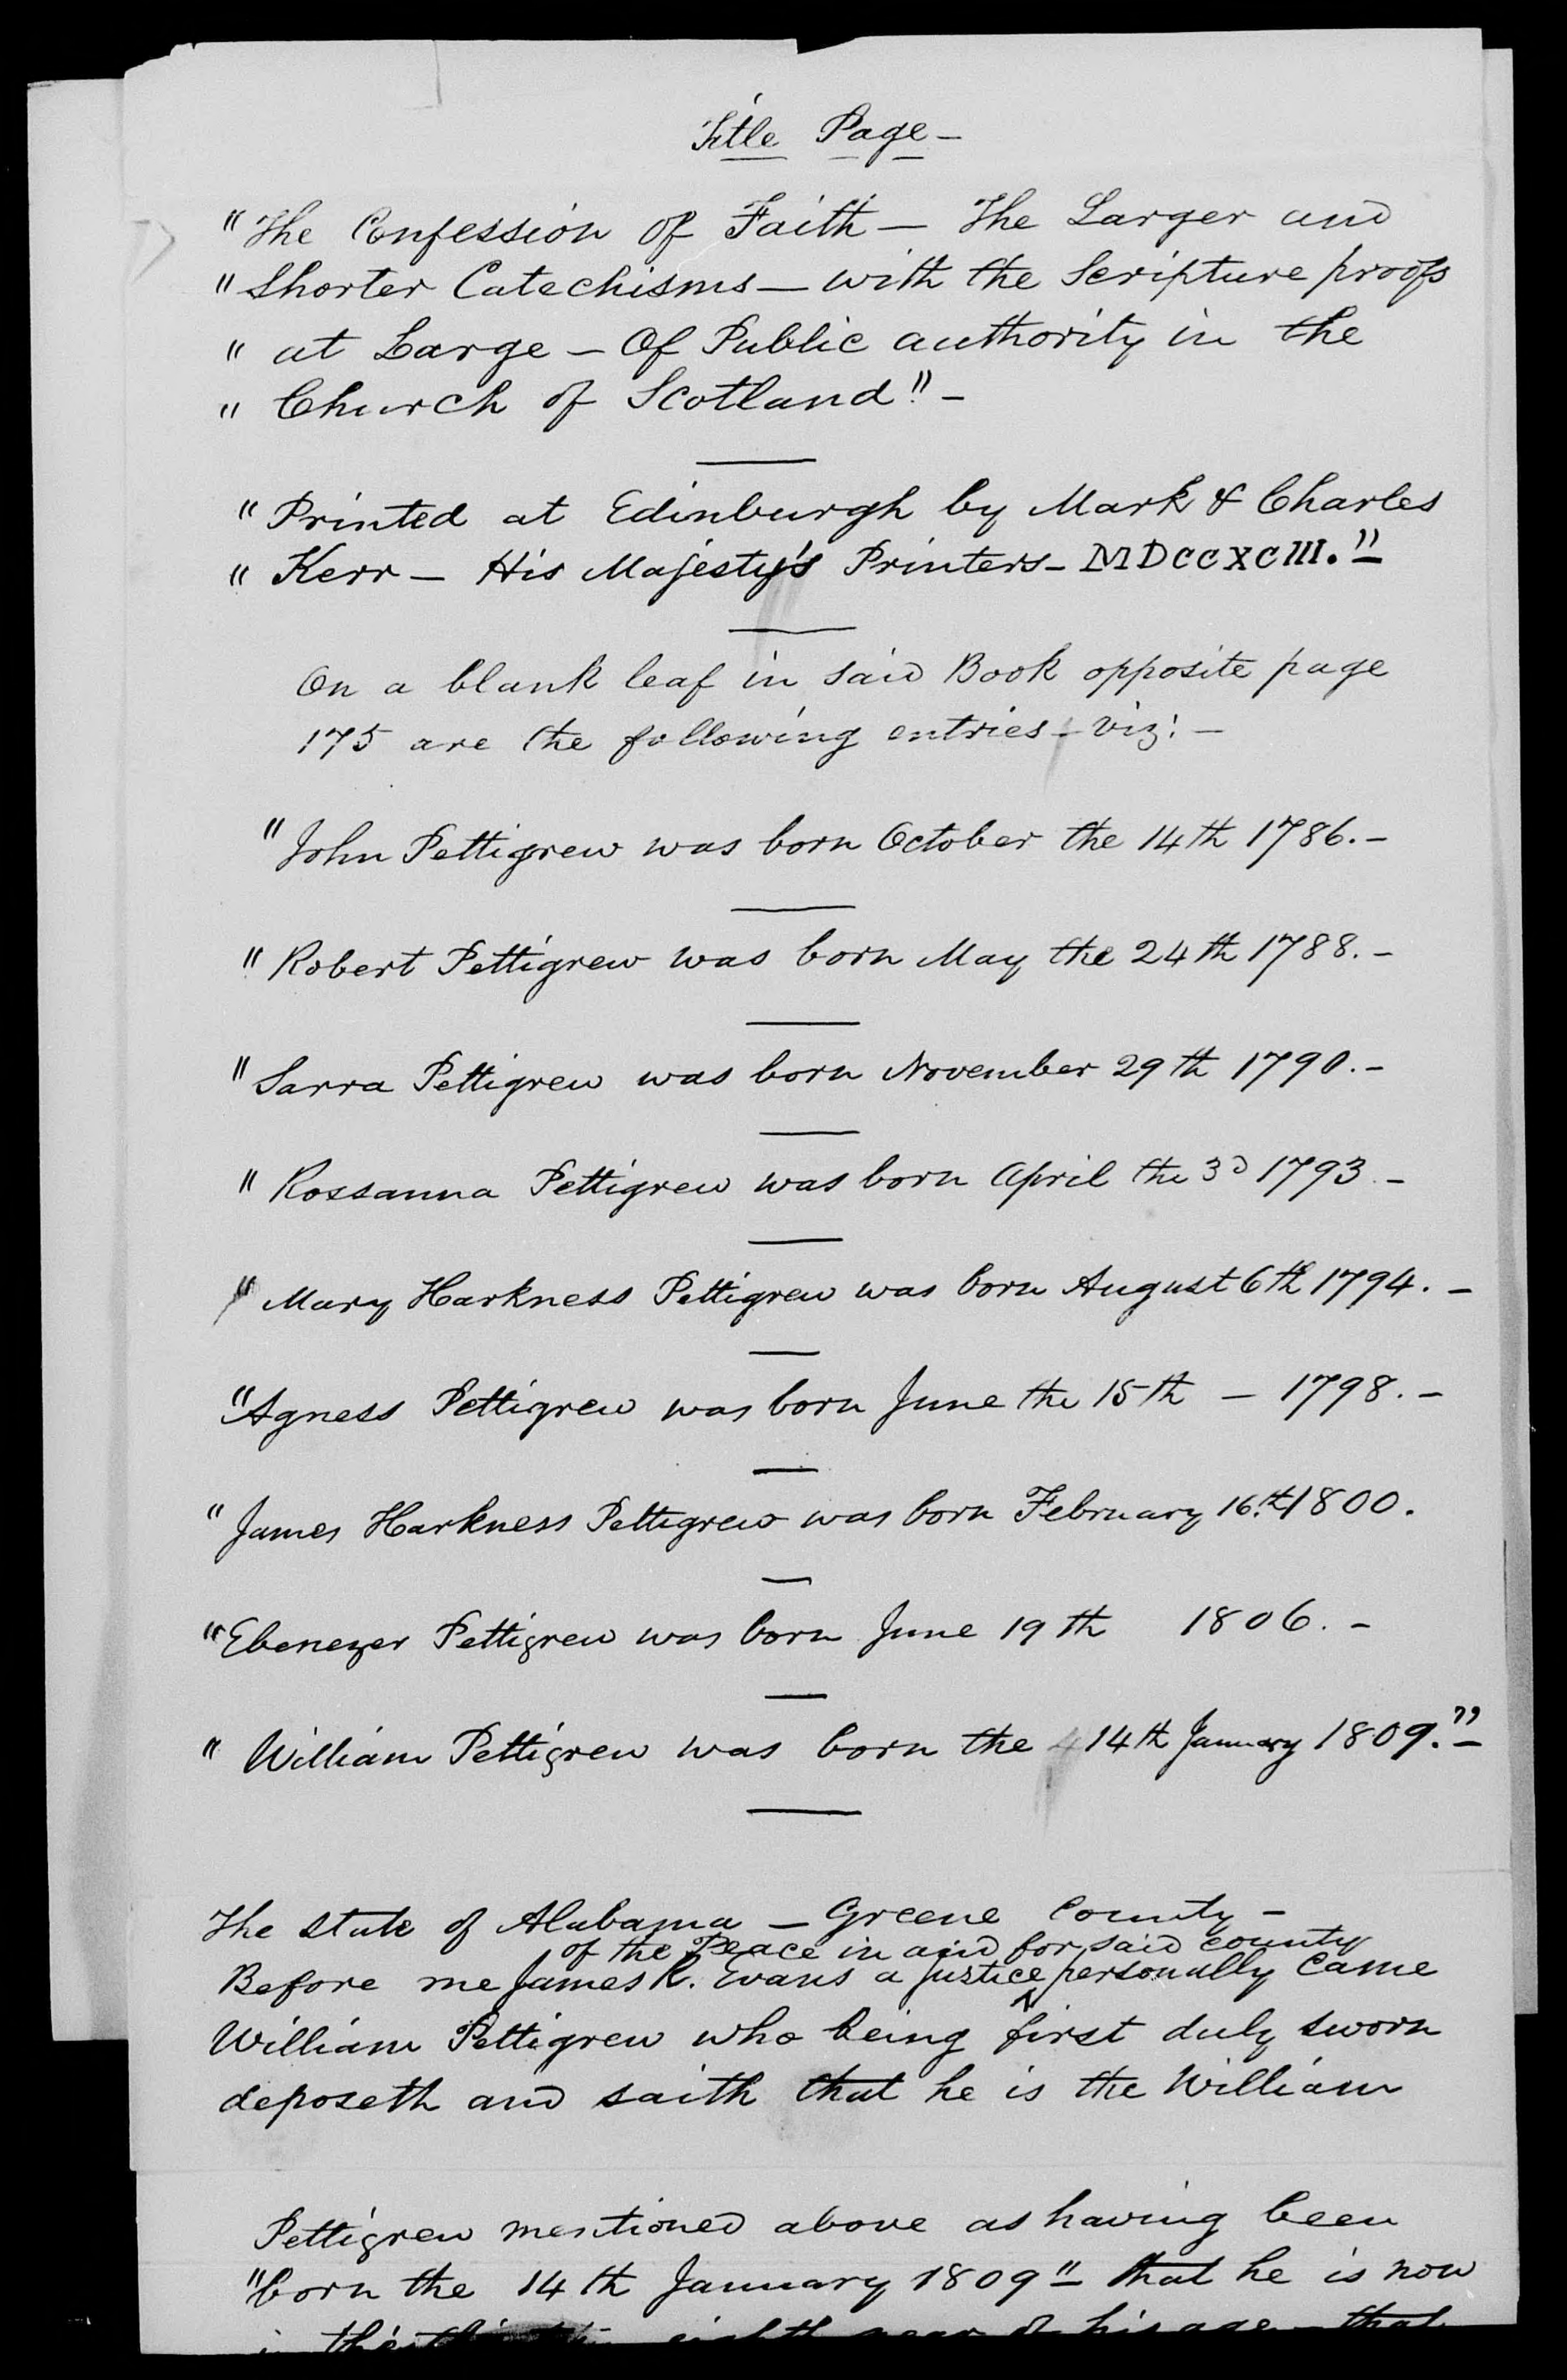Title Page -
"The Confession of Faith - The Large and
"Shorter Catechisms - with the scripture proofs
at Large - of Public authority in the
Church of Scotland." -

"Printed at Edinburgh by Mark of Charles
"Kerr - His Majesty's Printers- MDCCXCIII."-

On a blank leaf in said Book opposite page 175 are the following entries-viz:-

"John Pettigrew was born May the 24th 1786.-

"Robert Pettigrew was born May the 24th 1788,-

"Sarra Pettigrew was born November 29th 1790,-

"Rossanna Pettigrew was born April the 3'd 1793,-

"Mary Harkness Pettigrew was born August 6th 1774,-

"Agness Pettigrew was born June the 15th - 1798.-

"James Harkness Pettigrew was born February 16th 1800

"Ebenezer Pettigrew was born the 14th January 1809."-

"William Pettigrew was born the 14th January 1809."-

The state of Alabama-Greene County-of the peace in and for said county
Before me James K. Evans a justice personally came William Pettigrew who being first duly sworn deposeth and saith that he is the William Pettigrew mentioned above as having been "born the 14th January 1809 that he is now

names: Ebenezer Pettigrew; James R Evans; [BLANK] Mark; James Harkness Pettigrew; [BLANK] Charles; Rossanna Pettigrew; John Pettigrew; Mary Harkness; Robert Pettigrew; Agness Pettigrew; Sarra Pettigrew; [BLANK] Kerr; William Pettigrew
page: 6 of 92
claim: widow's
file: W. 5522, for James Pettigrew, South Carolina